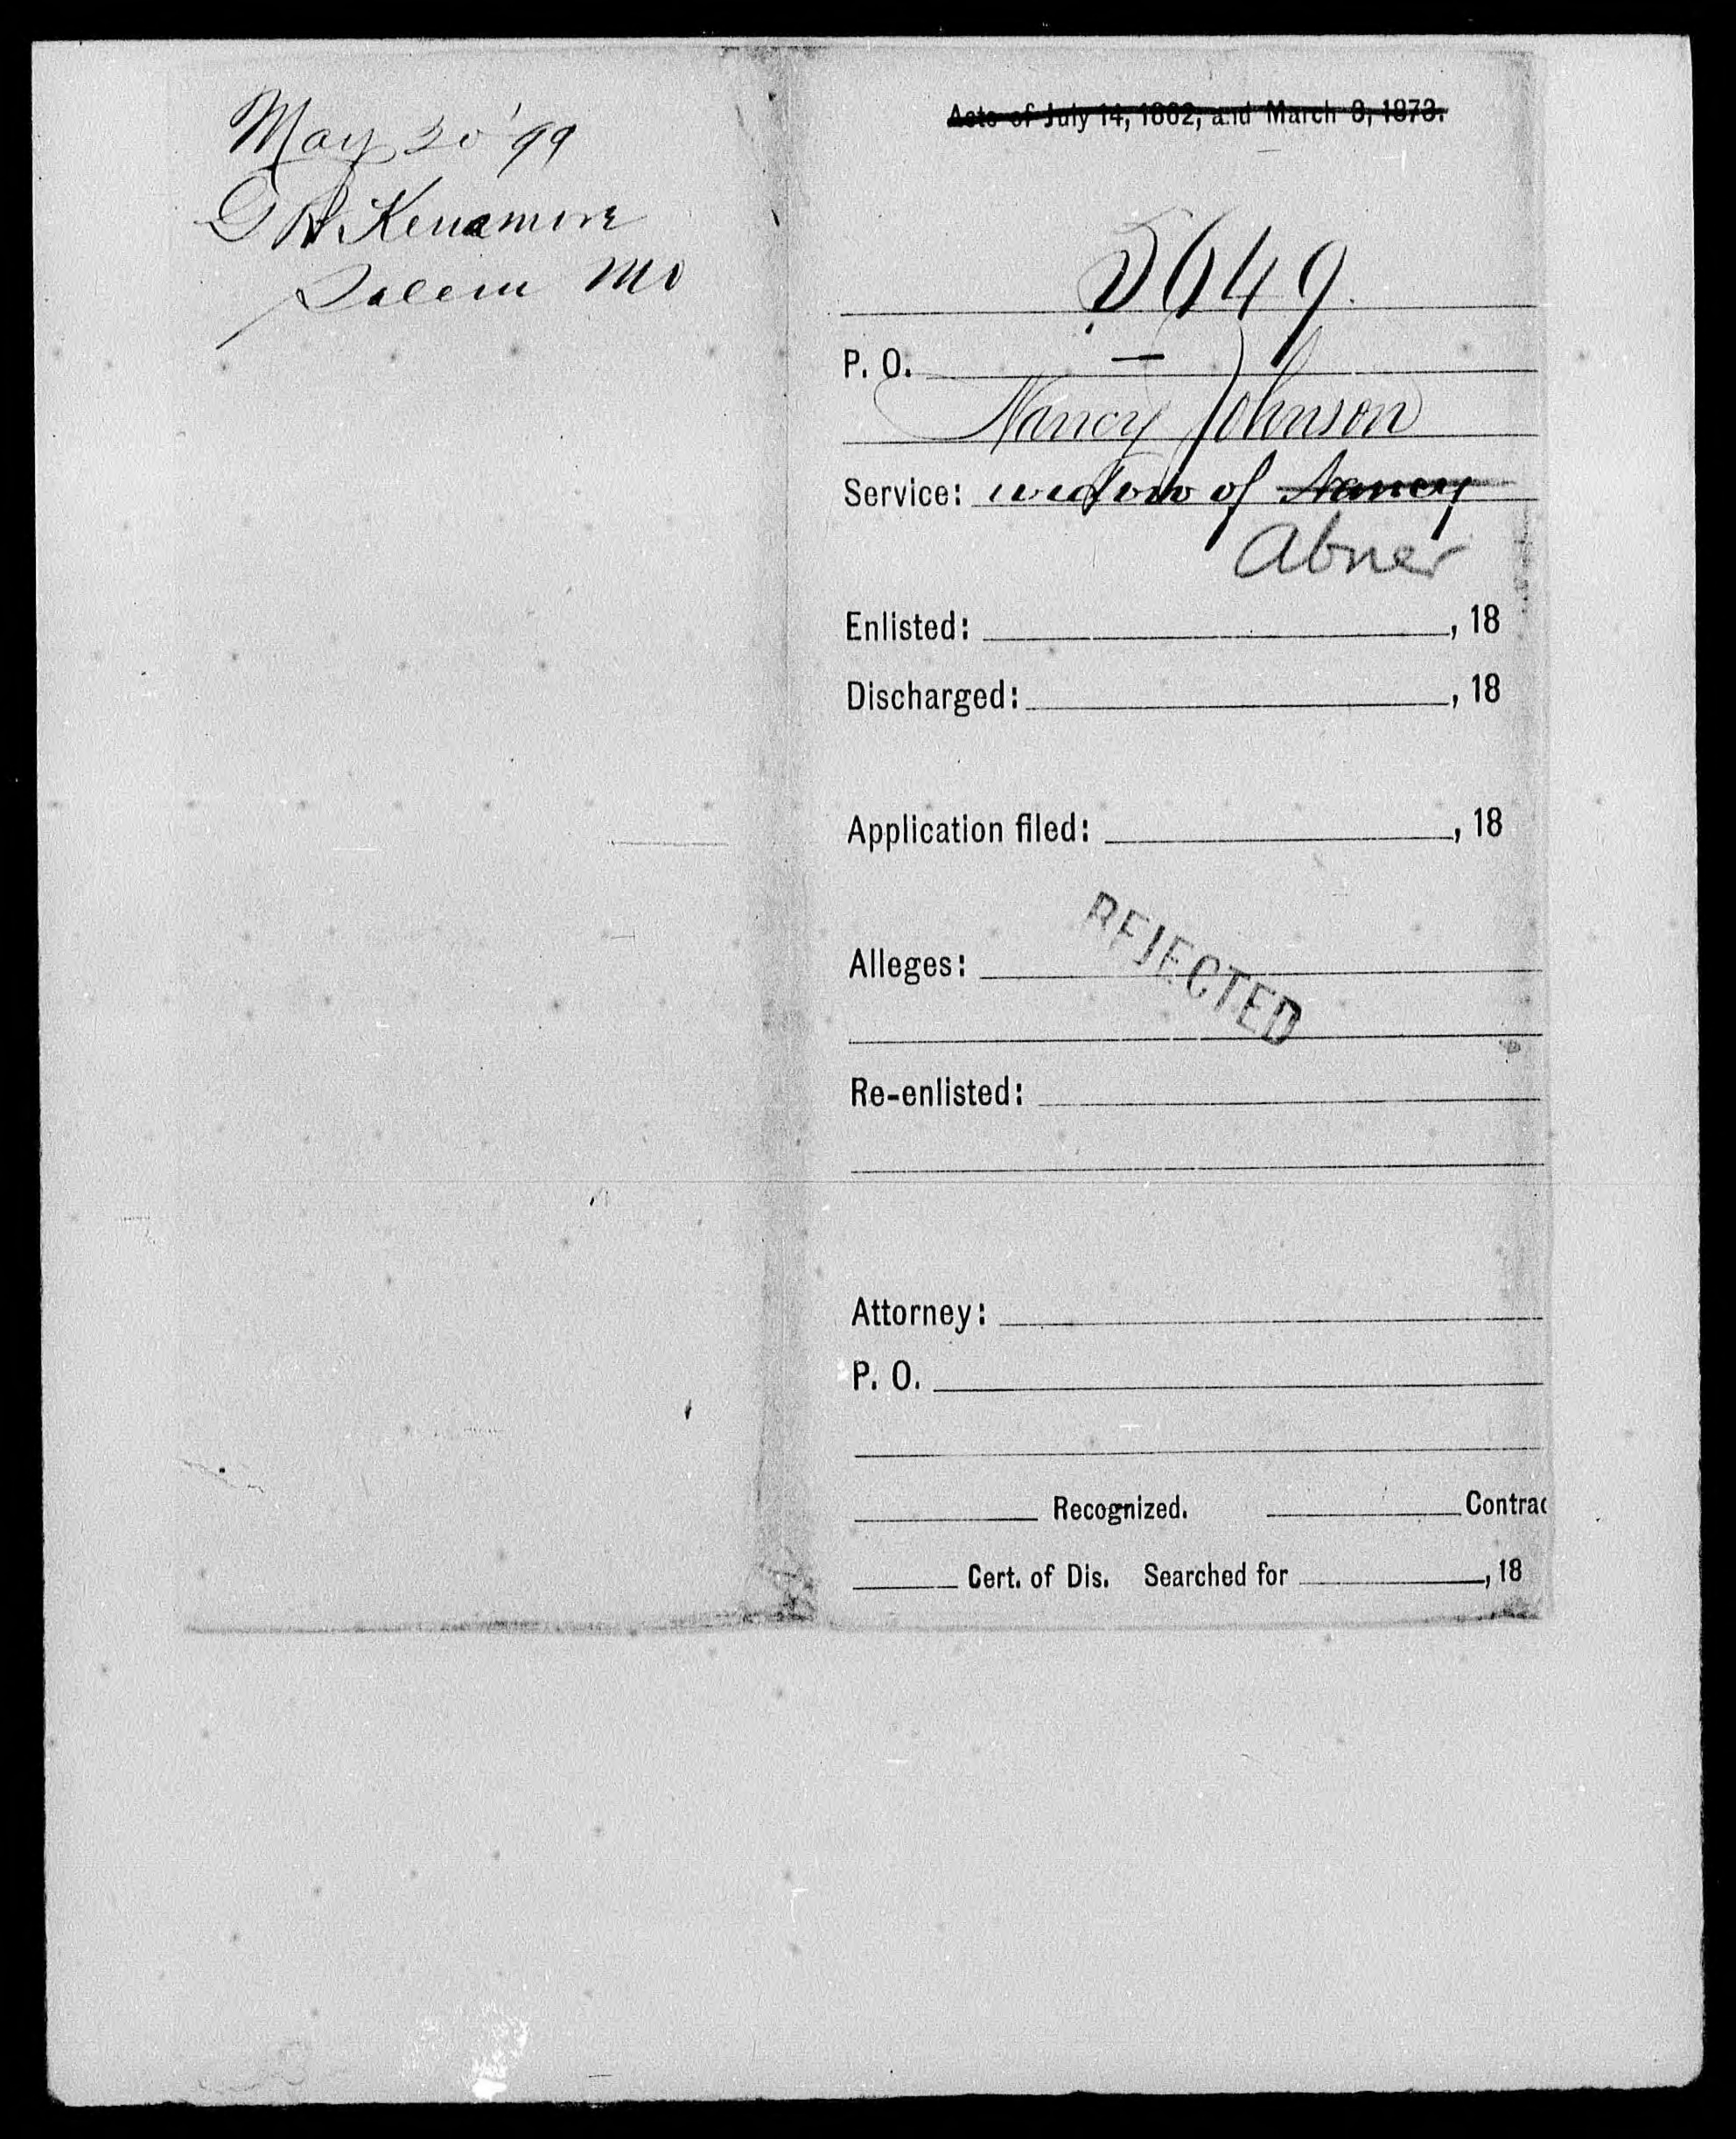May 20 '99
GR Kenamore
Salem Mo

5649 
P.O. ___
Nancy Johnson
Service: widow of Abner
Enlisted: ___, 18
Discharged: ___, 18
Application filed: ___, 18
Alleges: ___
REJECTED
Re-enlisted: ___
Attorney: ___
P.O. ___
Recognized.
Contract
Cert. of Dis.
Searched for ___. 18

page: 16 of 27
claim: rejected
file: R. 5649, for Abner Johnson, North Carolina